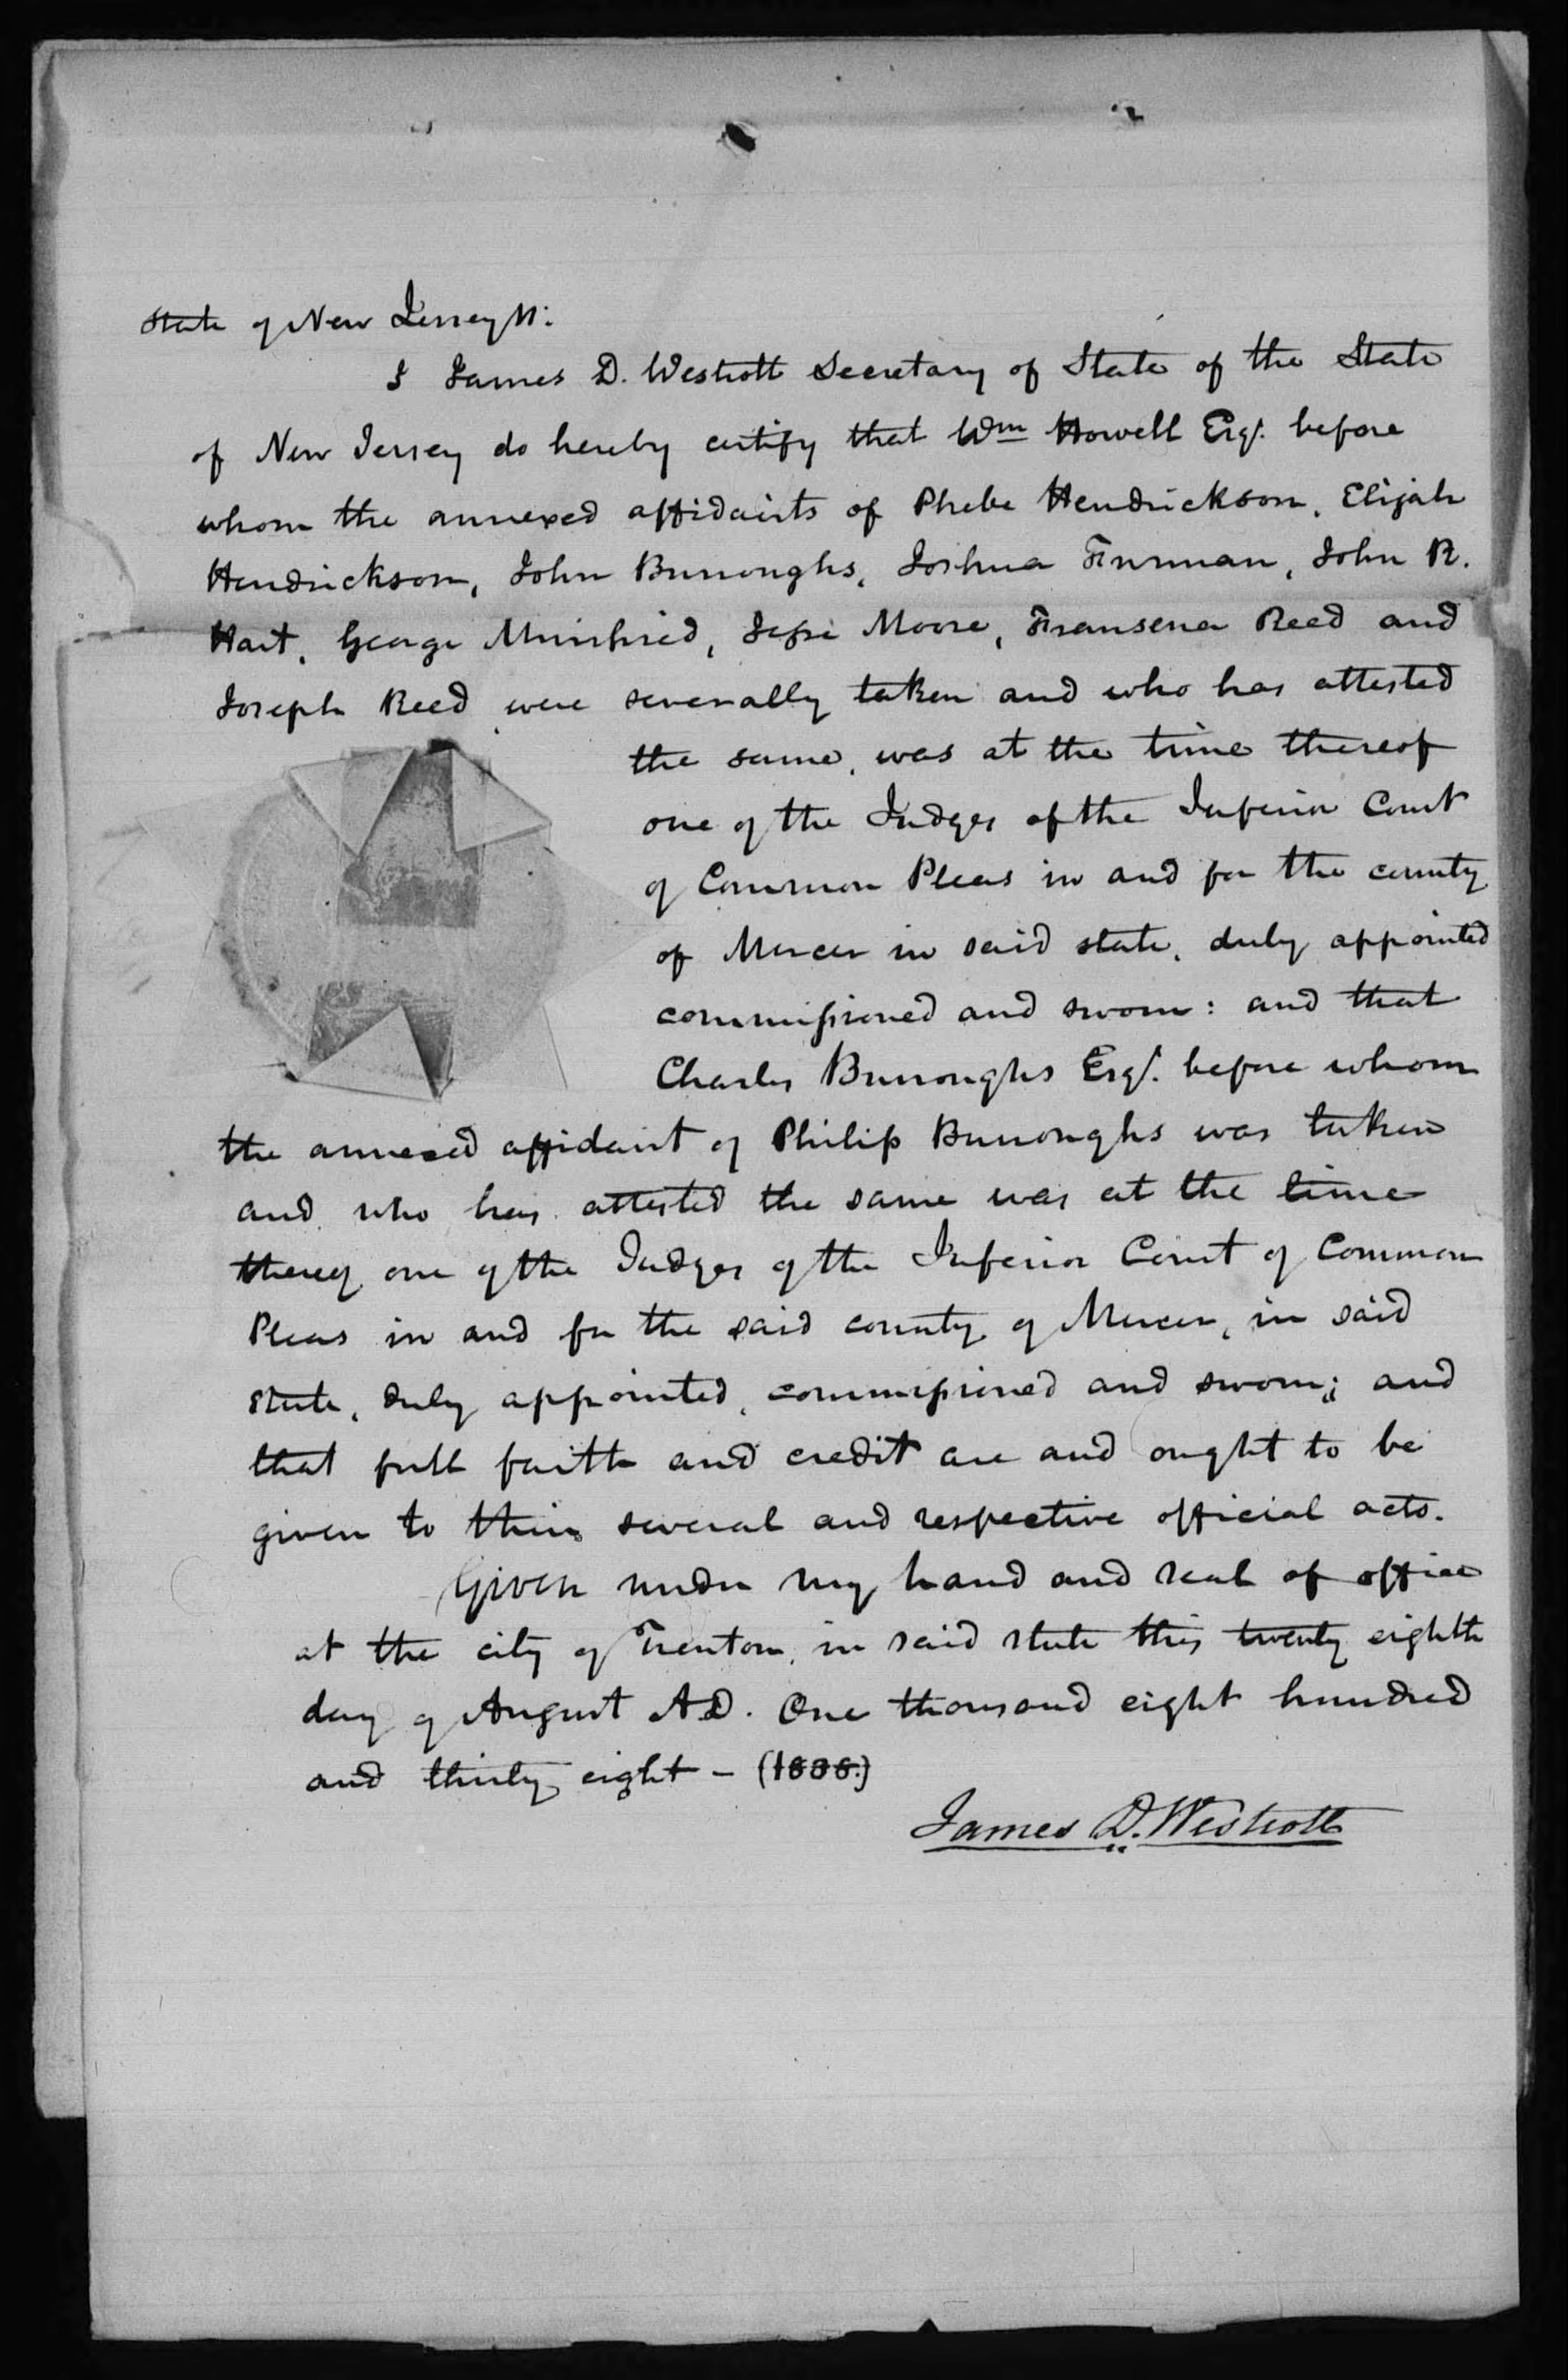State of New Jersey ss:
I James D. Westcott Secretary of State of the State of New Jersey do hereby certify that Wm. Howell Esqr. before whom the annexed affidavits of Phebe Hendrickson, Elijah Hendrickson, John Burroughs, Joshua Furman, John R. Hart, George Muirheid, Jesse Moore, Fransena Reed and Joseph Reed were severally taken and who has attested the same, was at the time thereof one of the Judges of the Inferior Court of Common Pleas in and for the County of Mercer in said State, duly appointed commissioned and sworn: and that Charles Burroughs Esqr. before whom the annexed affidavit of Philip Burroughs was taken and who has attested the same was at the time thereof one of the Judges of the Inferior Court of Common Pleas in and for the said county of Mercer, in said State, duly appointed, commissioned and sworn; and that full faith and credit are and ought to be given to their several and respective official acts.
Given under my hand and seal of office at the city of Trenton, in said State this twenty eighth day of August A.D. One thousand eight hundred and thirty eight _ (1838.)
James D. Westcott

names: Joseph Reed, Joshua Furman, Elijah Hendrickson, James D Westcott, Wm Howell, Jesse Moore, George Muirheid, Philip Burroughs, Charles Burroughs, Fransena Reed, James D Westcott, John Burroughs, John R Hart, Phebe Hendrickson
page: 14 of 20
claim: rejected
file: R. 4884, Benjamin Hendrickson, New Jersey